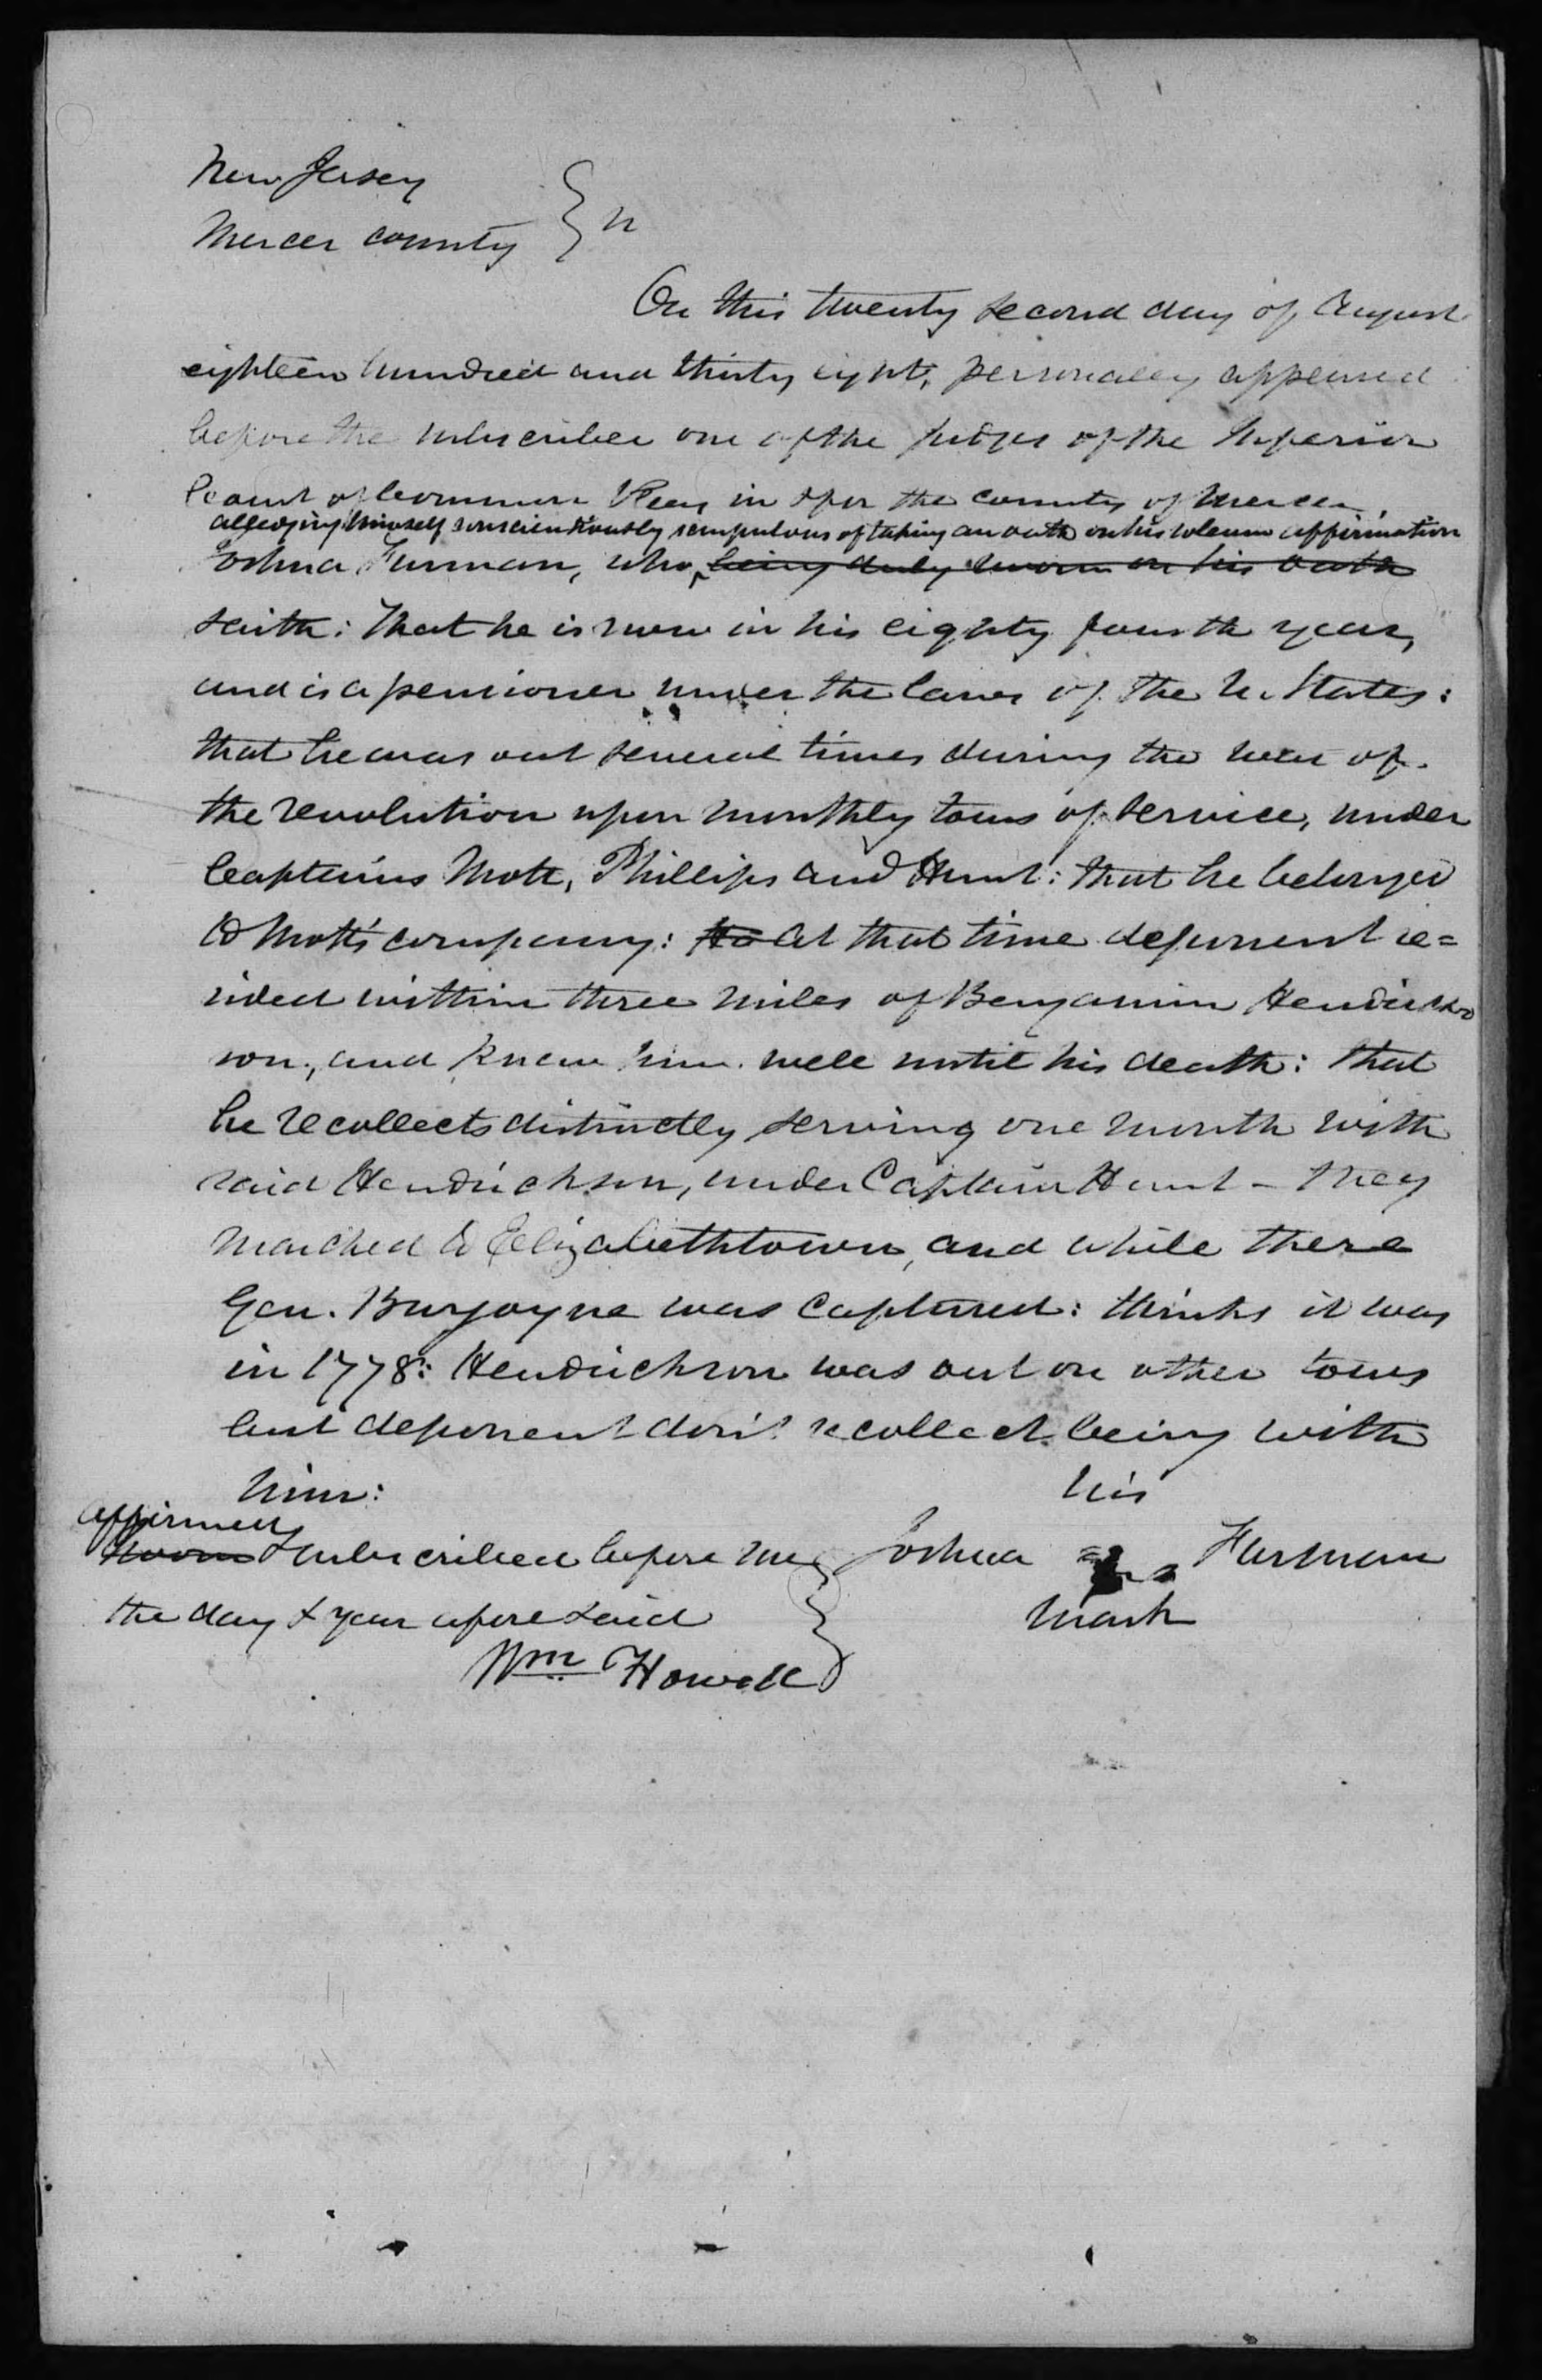New Jersey}
Mercer County} ss.

On this twenty second day of August
eighteen hundred and thirty eight, personally appeared before the subscriber one of the Judges of the Inferior Court of Common Pleas in & for the County of Mercer, Joshua Furman, who alleging himself consciously scrupulous of taking an oath on his solemn affirmation 
saith: That he is now in his eighty fourth year,
and is a pensioner under the laws of the U. States: that he was out several times during the war of the revolution upon monthly tours of service, under Captains Mott, Phillips and Hunt: that he belonged to Motts company: At that time deponent resided within three miles of Benjamin Hendrickson and knew him well until his death: that he recollects distinctly serving one month with said Hendrickson, under Captain Hunt - they Marched to Elizabethtown, and while there Gen. Burgoyne was captured: thinks it was in 1778. Hendrickson was out on other tours but deponent dont recollect being with him:

his
Joshua   X   Furman
mark

Affirmed & subscribed before me}
the day & year aforesaid}
Wm. Howell}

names: Hunt, Burgoyne, Joshua Furman, Joshua Furman, Hunt, Benjamin Hendrickson, Mott, Hendrickson, Wm Howell, Phillips, Hendrickson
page: 5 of 20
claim: rejected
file: R. 4884, Benjamin Hendrickson, New Jersey